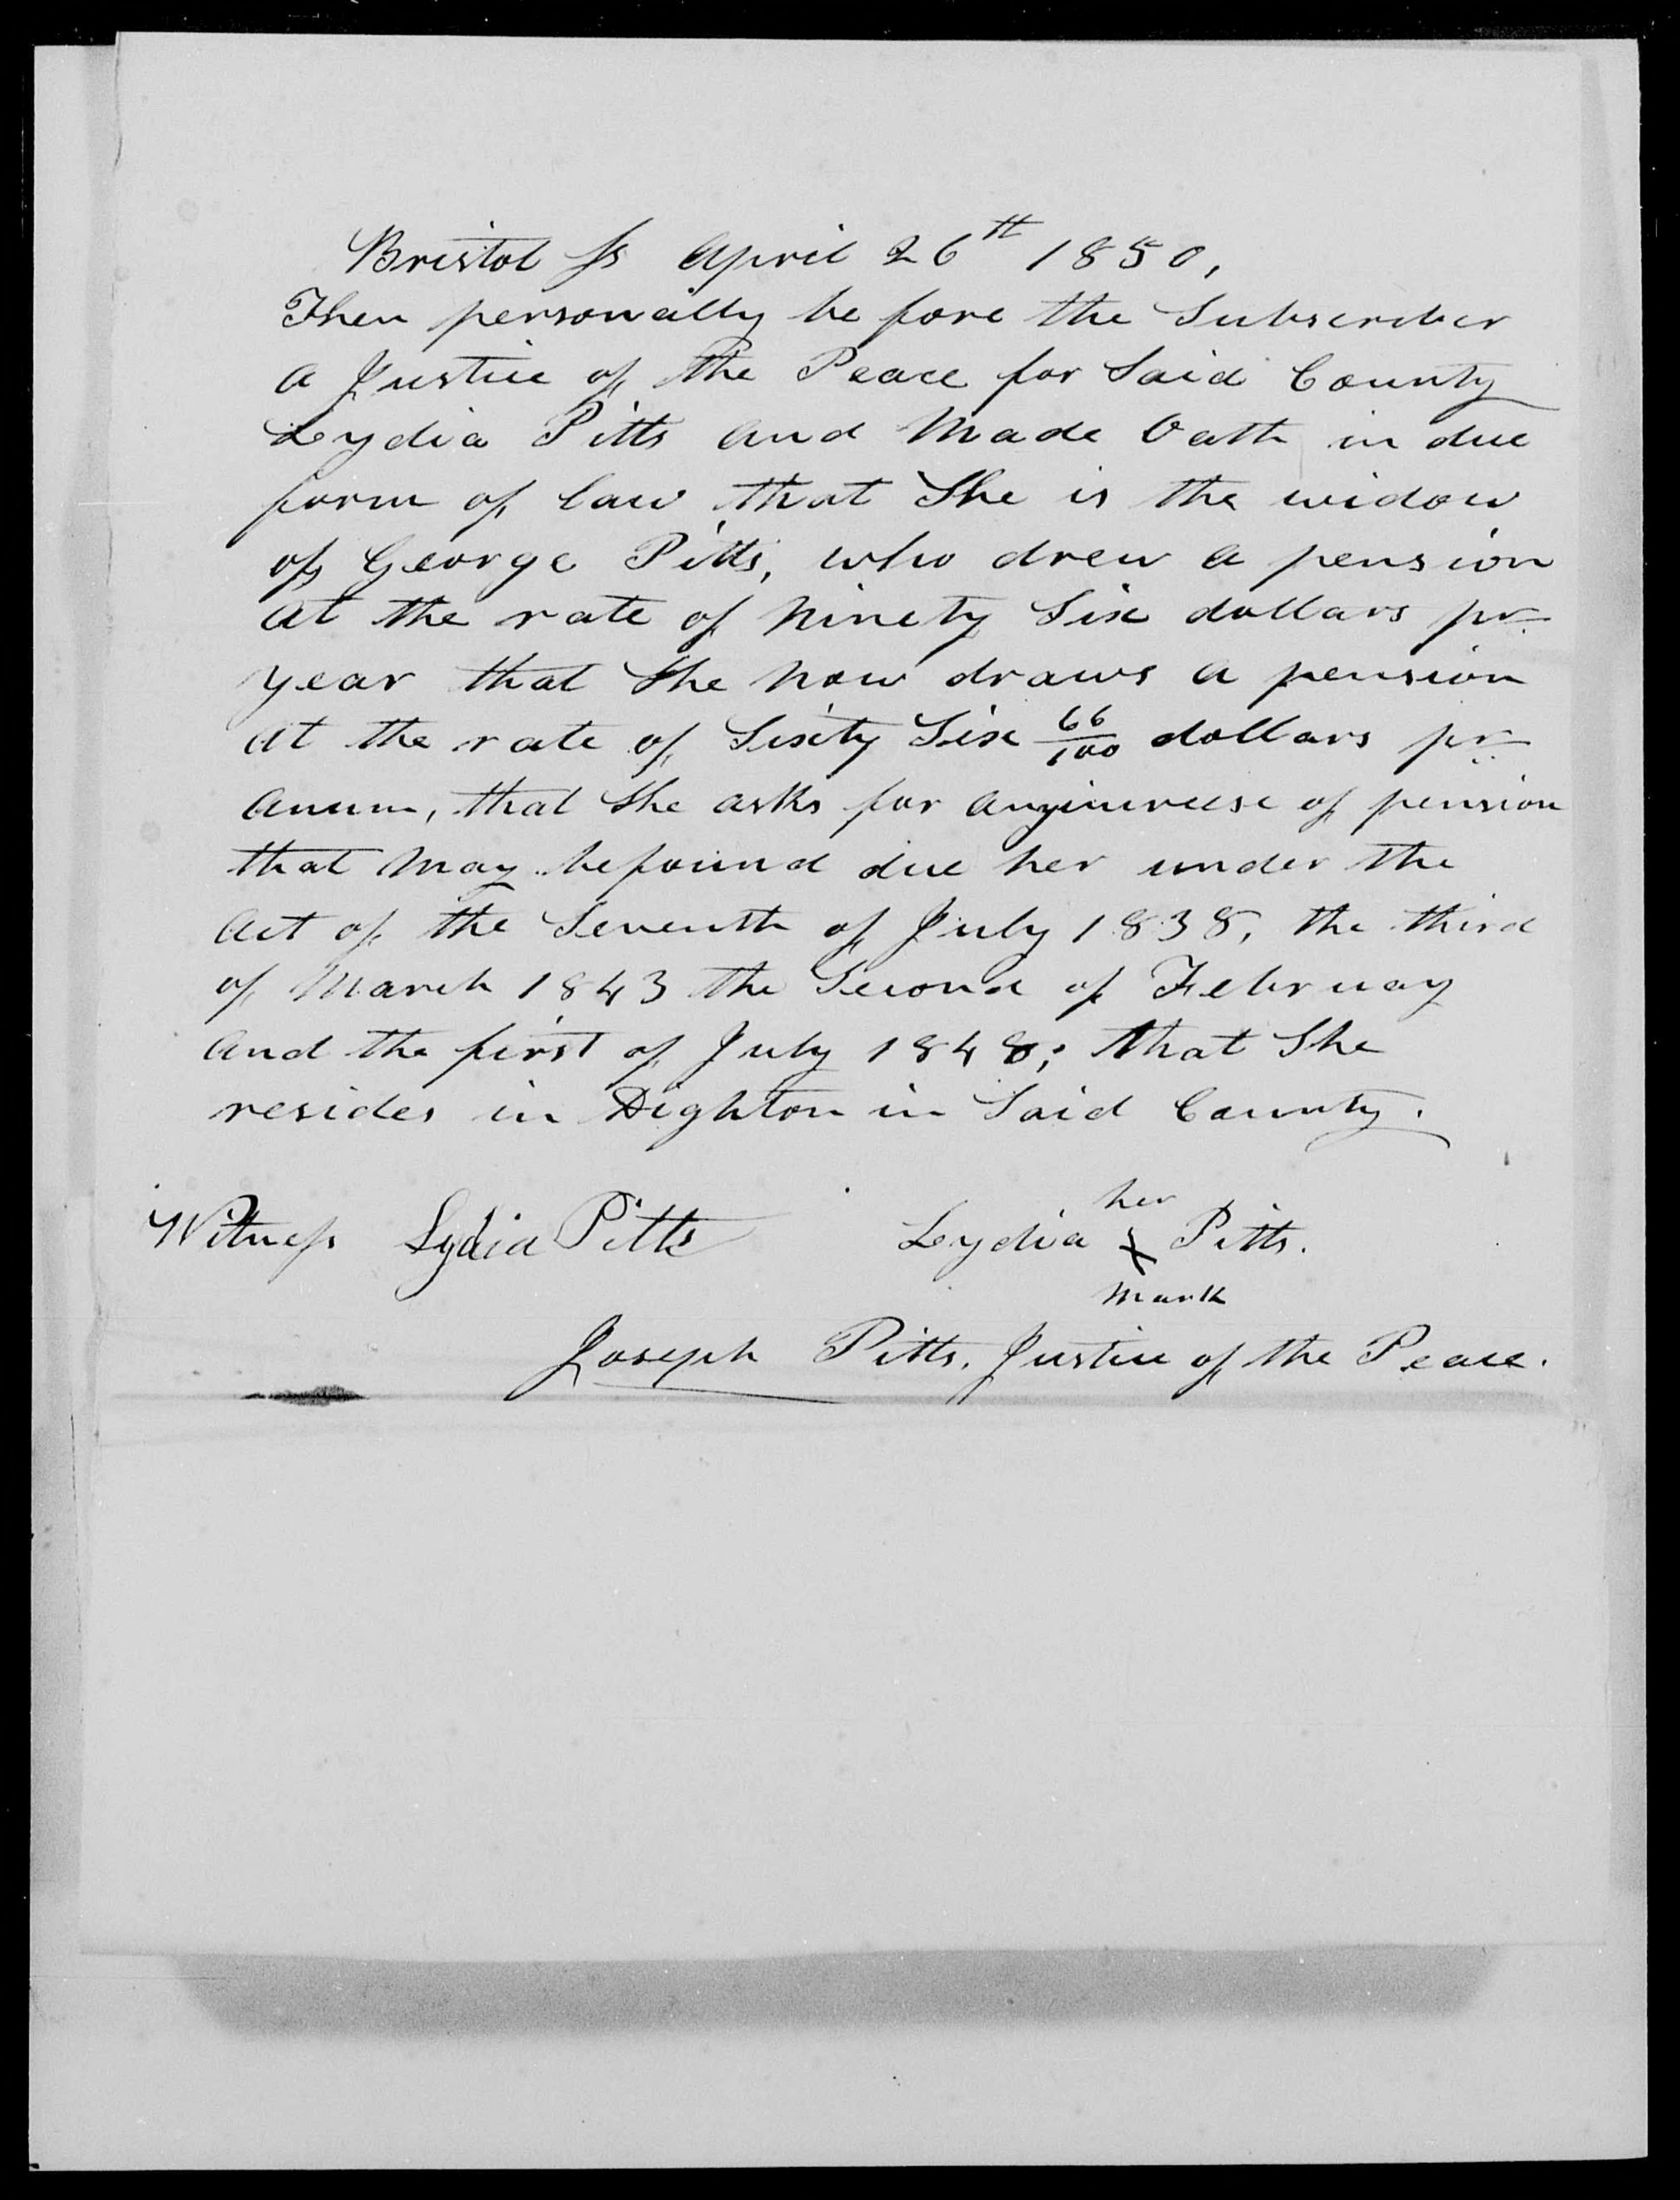Bristol SS April 26th 1850
Then personally before the Subscriber
a Justice of the Peace for said County
Lydia Pitts and made oath in due
form of law that she is the widow
of George Pitts, who drew a pension
at the rate of ninety six dollars per
year that she now draws a pension
at the rate of Sixty Six 66/100 dollars per annum. that she asks for any increase of pension that may be found due her under the
act of the Seventh of July 1838, the third
of March 1843 the Second of February
and the first of July 1848 that she
resides in Dighton in said County.
Witness
Lydia Pitts
Lydia Pitts [X her mark]
Joseph Pitts Justice of the Peace.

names: Lydia Pitts; Joseph Pitts; George Pitts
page: 48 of 54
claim: widow's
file: W. 26,897, for George Pitts, Massachusetts